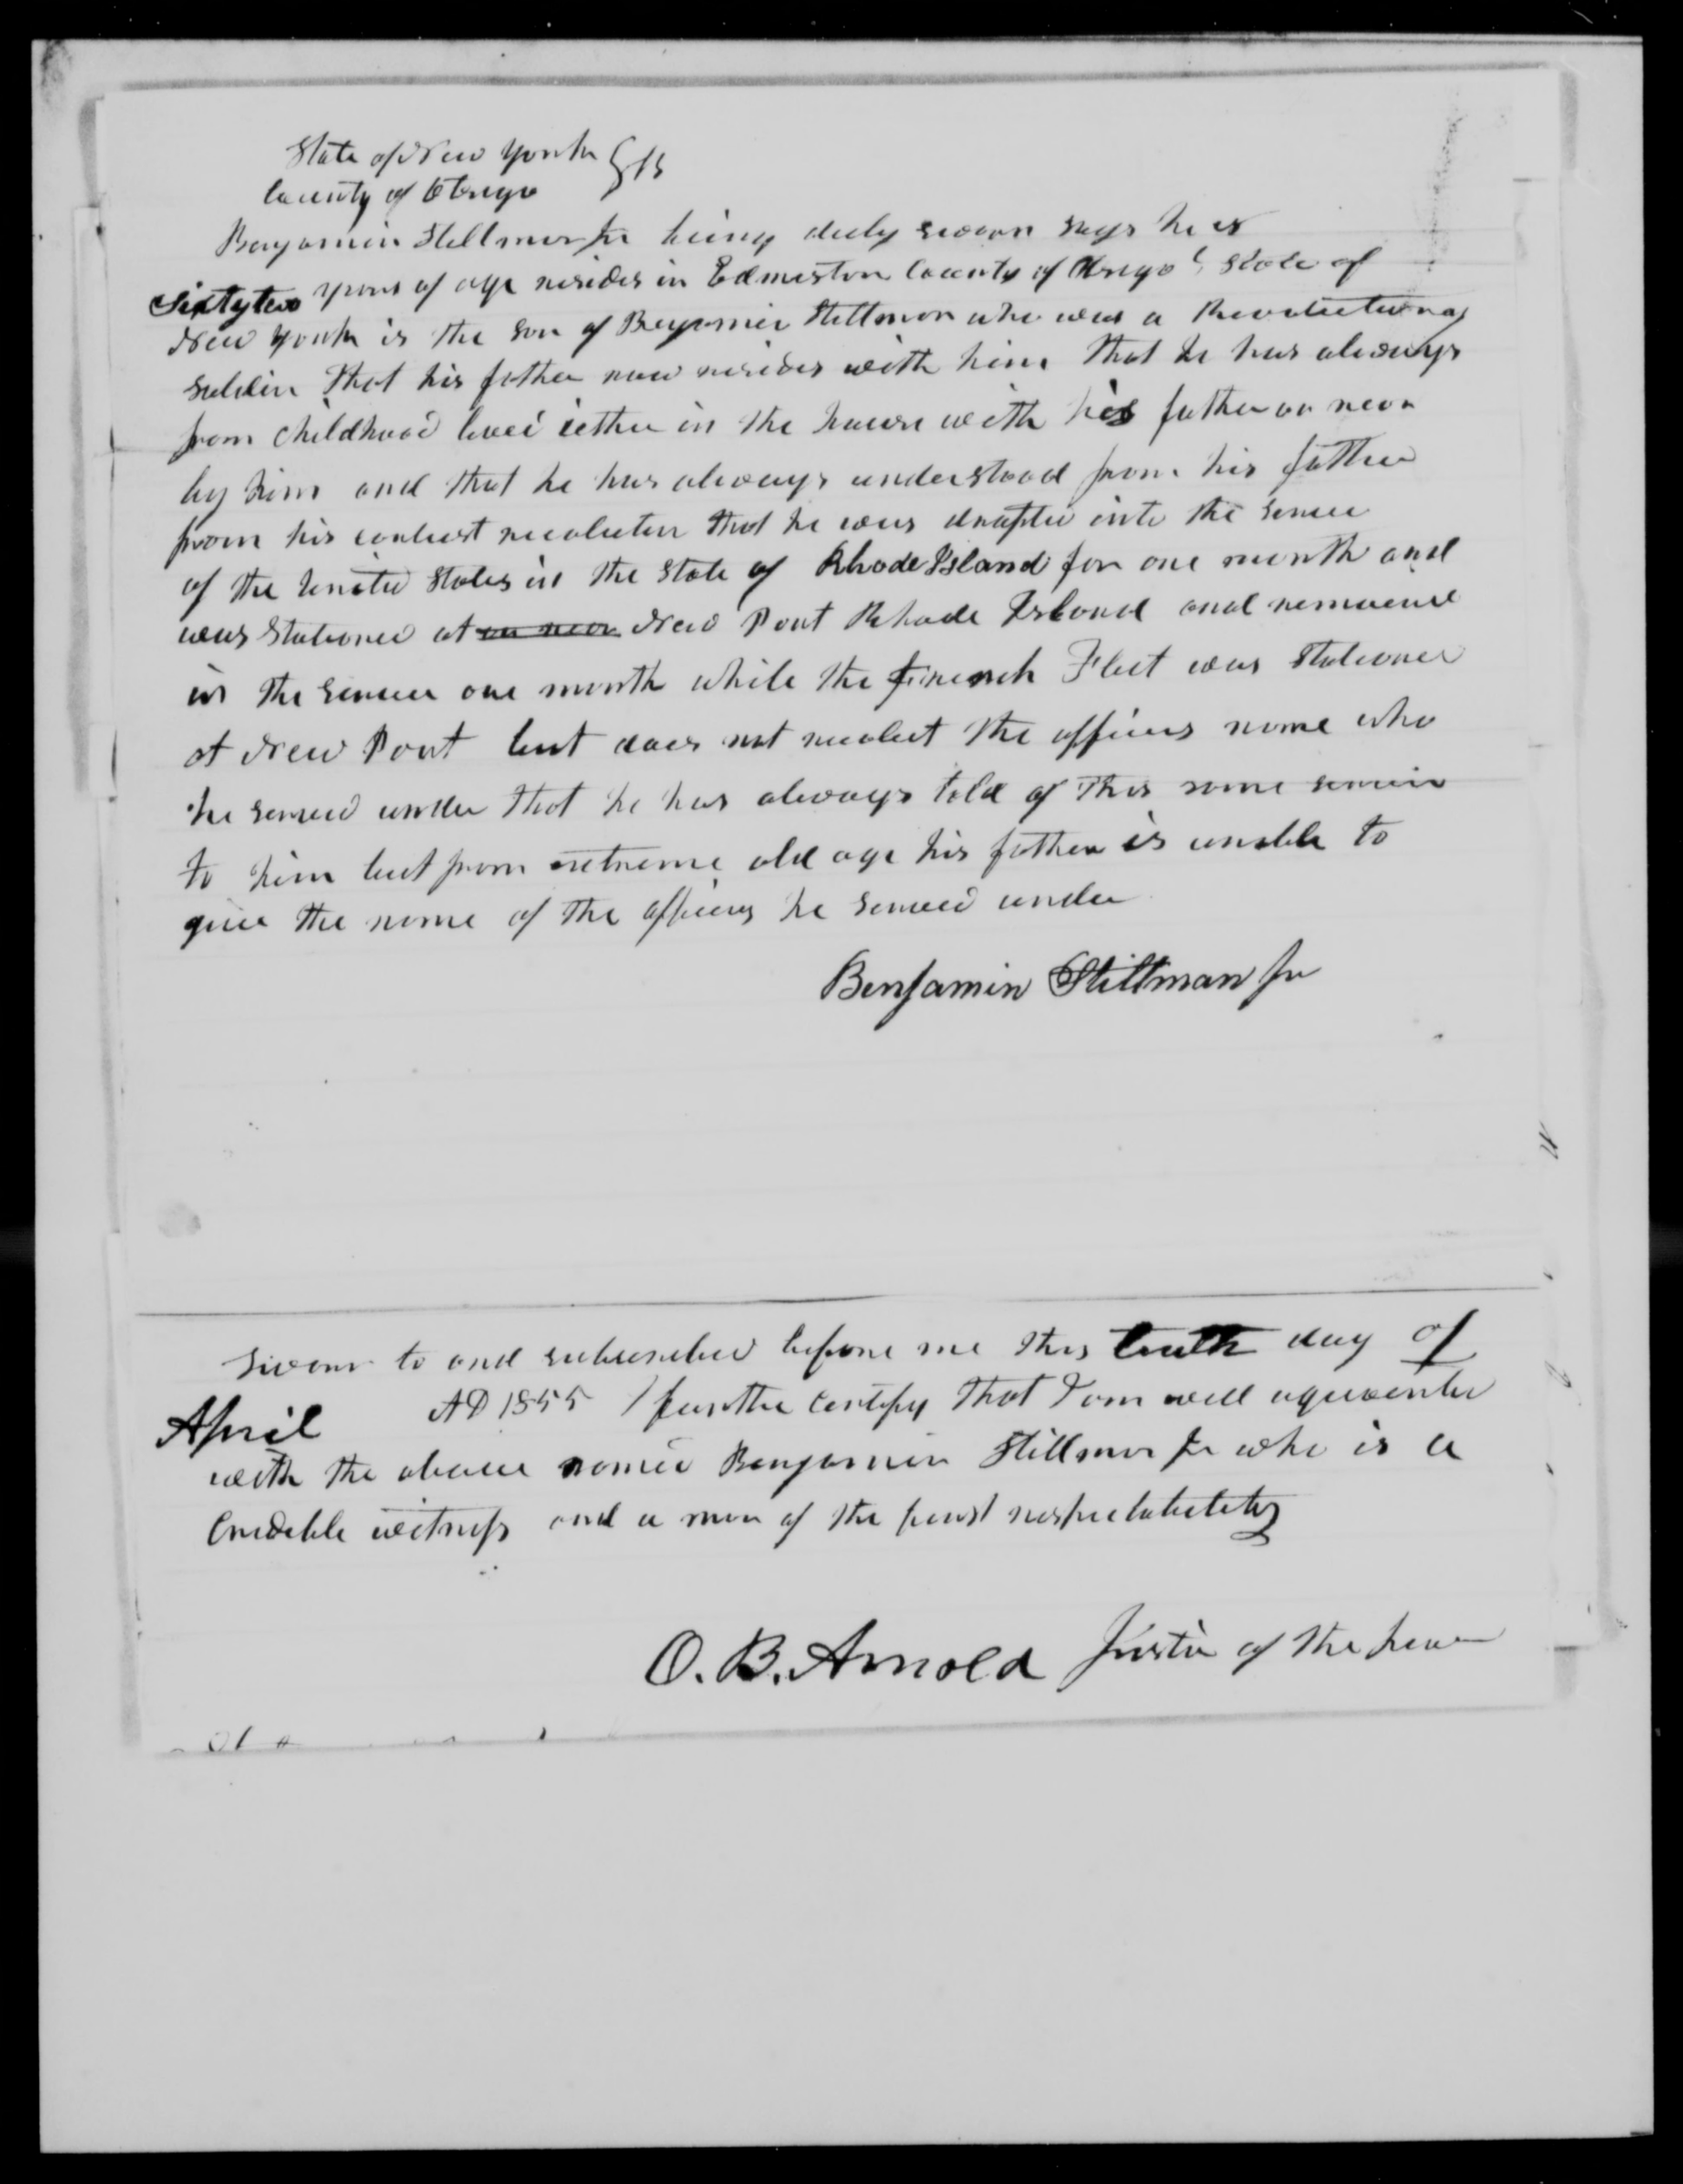State of New York County of Otsego} ss Benjamin Stillman Jr being duly sworn says he is Sixty two years of age resides in Edmeston County of Otsego & State of New York is the son of Benjamin Stillman who was a Revolutionary soldier that his father now resides with him. That he has always from childhood lived either in the house with his father or near by him and that he has always understood from his father from his contest recolection that he was drafted into the service of the United States in the State of Rhode Island for one month and was stationed at New Port Rhode Island and remained in the service one month while the French Fleet was stationed at New Port but does not recolect the officers name who he served under that he has always told of this same service to him but from extreme old age his father is unable to give the name of the officers he served under 
Benjamin Stillman Jr 
Sworn to and subscribed before me this tenth day of April AD 1855 further certify that I am well acquainted with the above named Benjamin Stillman Jr who is a credible witness and a man of the finest respectability 
O. B. Arnold Justice of the peace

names: O B Arnold; Benjamin Stillmon; Benjamin Stillmon; Benjamin Stillman; Benjamin Stillmon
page: 5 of 29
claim: bounty land warrant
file: B.L.Wt.47987-160-55, for Benjamin Stillman, Rhode Island